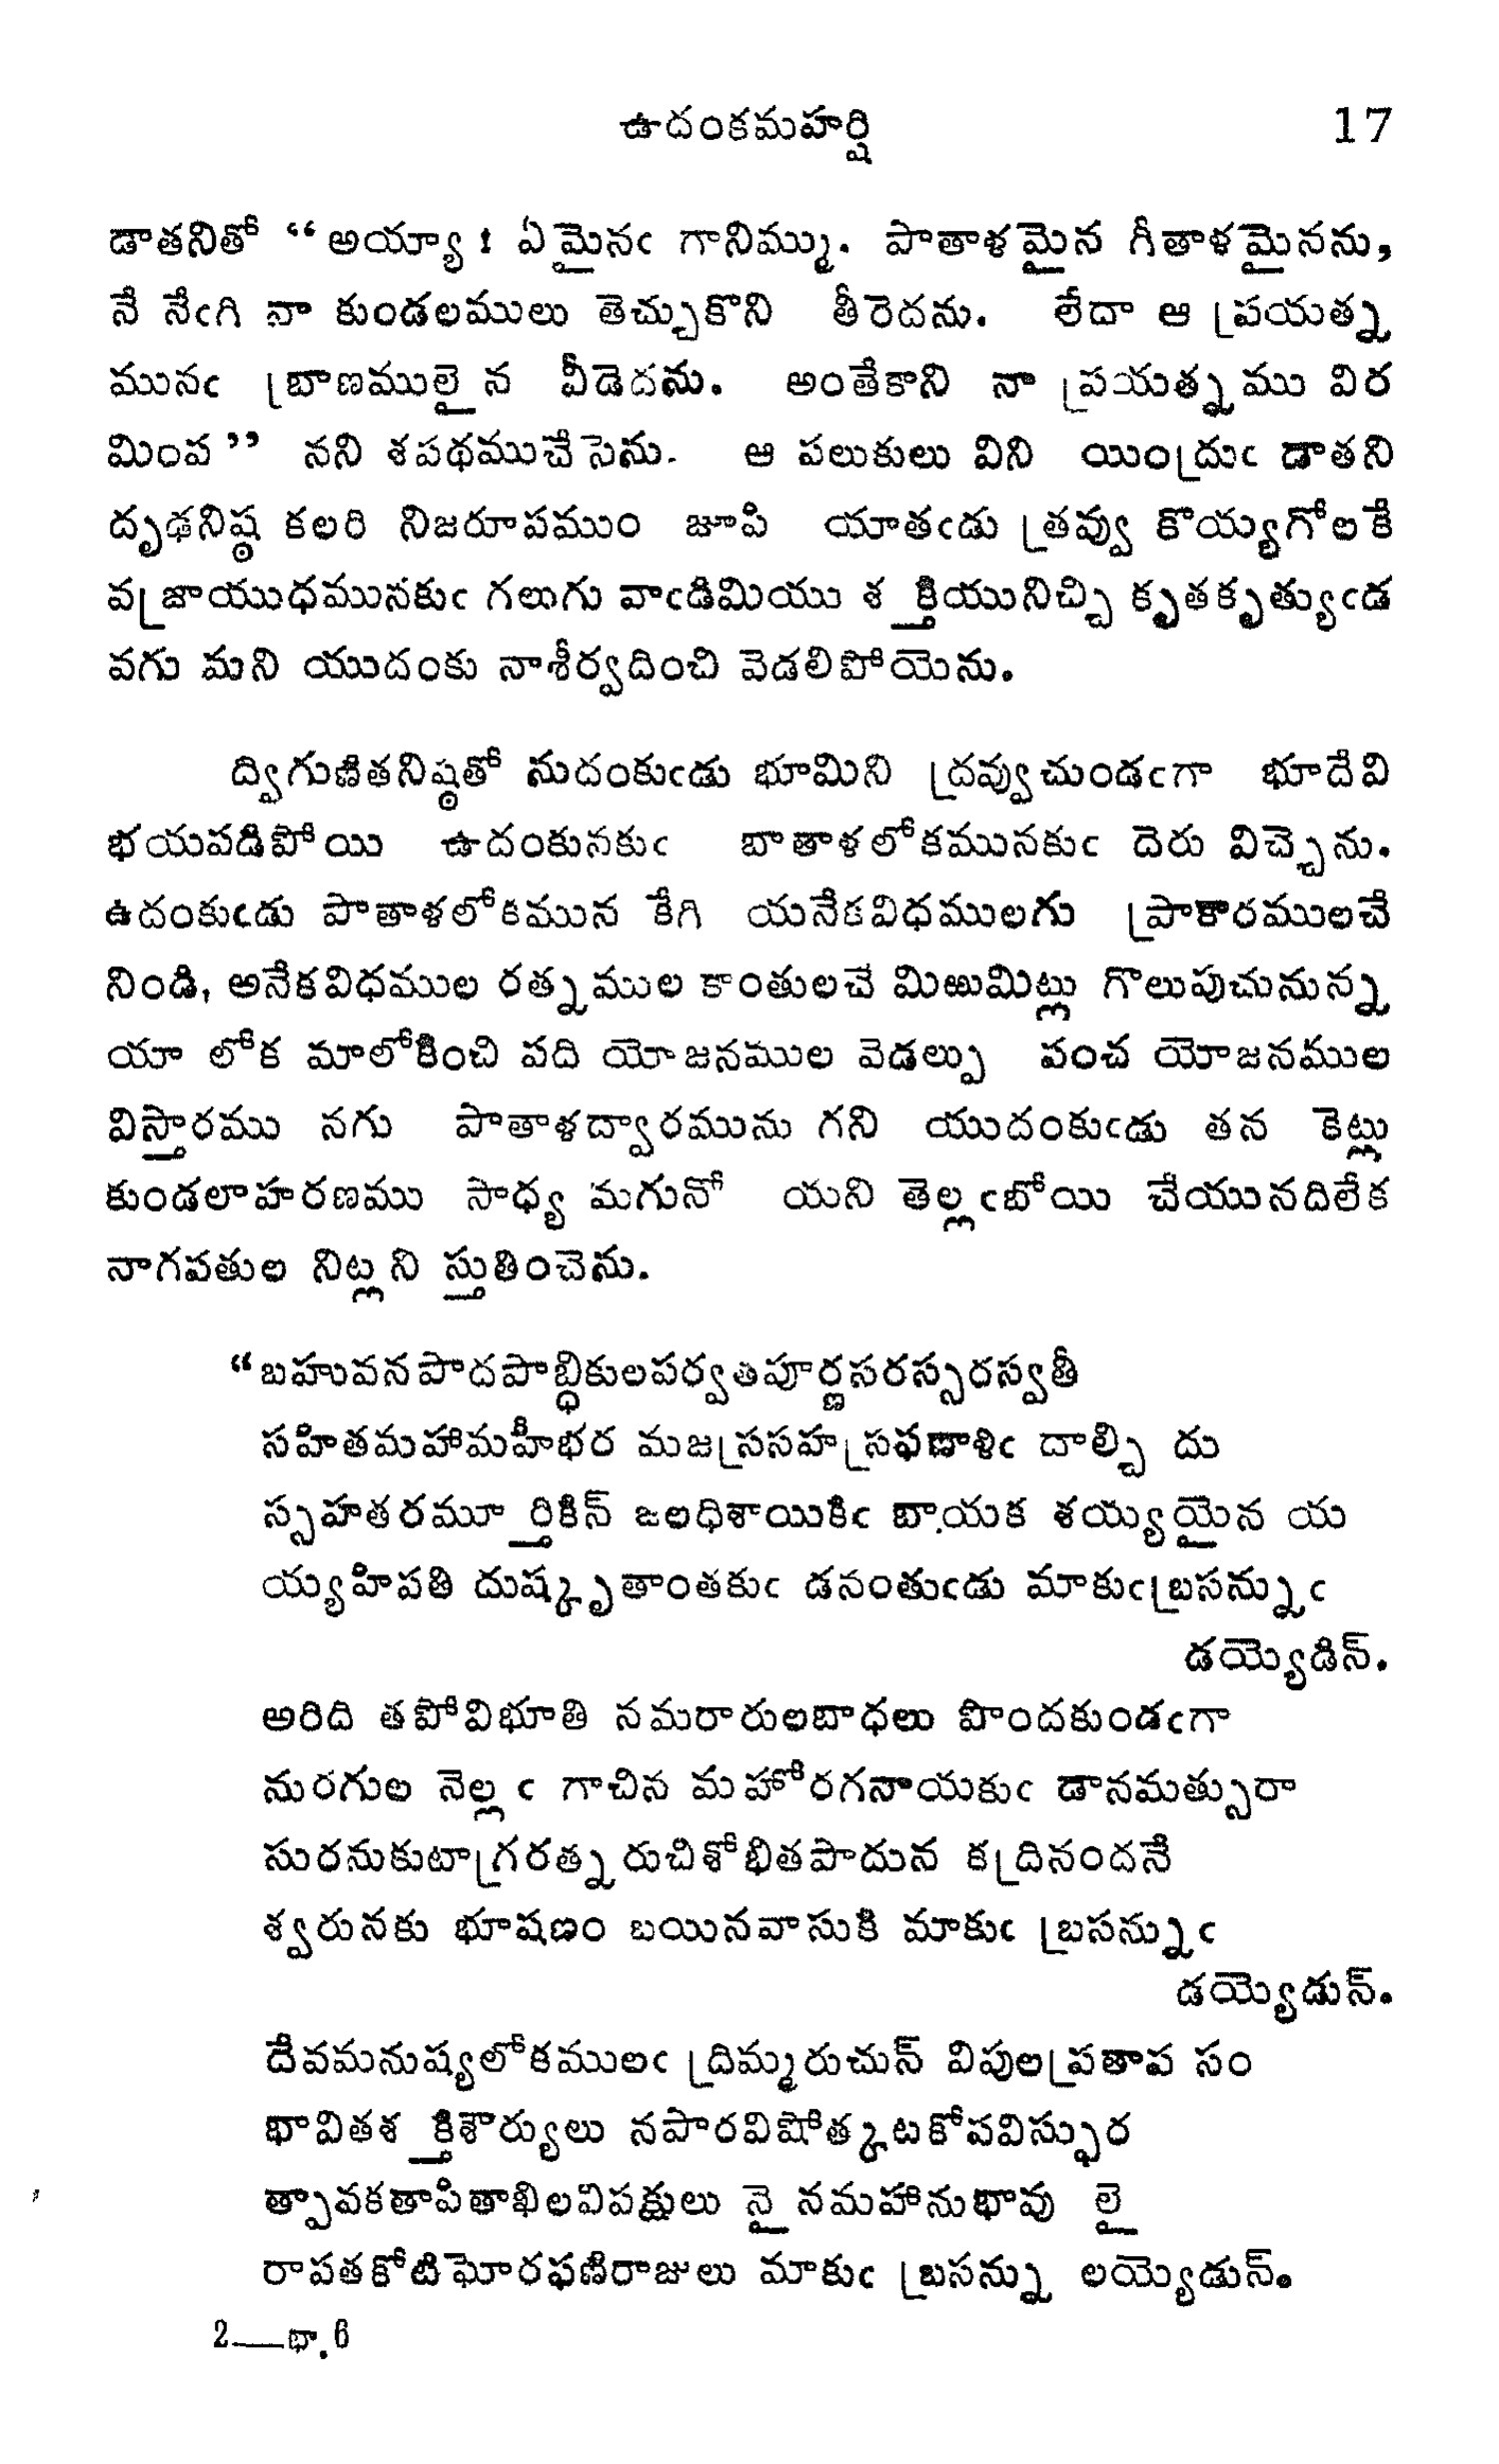డాతనితో " అయ్యా ! ఏమైనఁ గానిమ్ము. పాతాళమైన గీతాళమైనను, నే నేఁగి నా కుండలములు తెచ్చుకొని తీరెదను. లేదా ఆ ప్రయత్నమునఁ బ్రాణములైన వీడెదను. అంతేకాని నా ప్రయత్నము విరమింప" నని శపథము చేసెను. ఆ పలుకులు విని యింద్రుఁ డాతని దృఢనిష్ఠ కలరి నిజరూపముం జూపి యాతఁడు త్రవ్వు కొయ్యగోలకే వజ్రాయుధమునకుఁ గలుగు వాఁడిమియు శక్తియునిచ్చి కృతకృత్యుఁడ వగు మని యుదంకు నాశీర్వదించి వెడలిపోయెను.

ద్విగుణితనిష్ఠతో నుదంకుఁడు భూమిని ద్రవ్వుచుండఁగా భూదేవి భయపడిపోయి ఉదంకునకుఁ బాతాళలోకమునకుఁ దెరు విచ్చెను. ఉదంకుఁడు పాతాళలోకమున కేగి యనేక విధములగు ప్రాకారములచే నిండి, అనేకవిధముల రత్నముల కాంతులచే మిఱుమిట్లు గొలుపుచునున్న యా లోక మాలోకించి పది యోజనముల వెడల్పు పంచ యోజనముల విస్తారము నగు పాతాళ ద్వారమును గని యుదంకుఁడు తన కెట్లు కుండలాహరణము సాధ్య మగునో యని తెల్లఁబోయి చేయునదిలేక నాగవతుల నిట్ల ని స్తుతించెను.

“బహువనపాదపాబ్ధికులపర్వతపూర్ణసరస్సరస్వతీ 
సహితమహామహీభర మజస్రసహస్రఫణాళిఁ దాల్చి దు 
స్సహతరమూర్తికిన్ జలధిశాయికిఁ బాయక శయ్యయైన య 
య్యహిపతి దుష్కృతాంతకుఁ డనంతుఁడు మాకుఁ బ్రసన్నుఁ డయ్యెడిన్. 

అరిది తపోవిభూతి నమరారులబాధలు పొందకుండఁగా 
నురగుల నెల్లఁ గాచిన మహోరగనాయకుఁ డానమత్సురా 
సురనుకుటాగ్రరత్న రుచిశోభితపాదున కద్రినందనే 
శ్వరునకు భూషణం బయినవాసుకి మాకుఁ బ్రసన్నుఁ డయ్యెడున్. 

దేవమనుష్యలోకములఁ ద్రిమ్మరుచున్ విపుల ప్రతాప సం
భావితశ క్తిశౌర్యులు నపారవిషోత్కటకోపవిస్ఫుర 
త్పావకతాపితాఖిలవిపక్షులు నై నమహానుభావు లై 
రాపతకోటిఘోరఫణిరాజులు మాకుఁ బ్రసన్ను లయ్యెడున్.